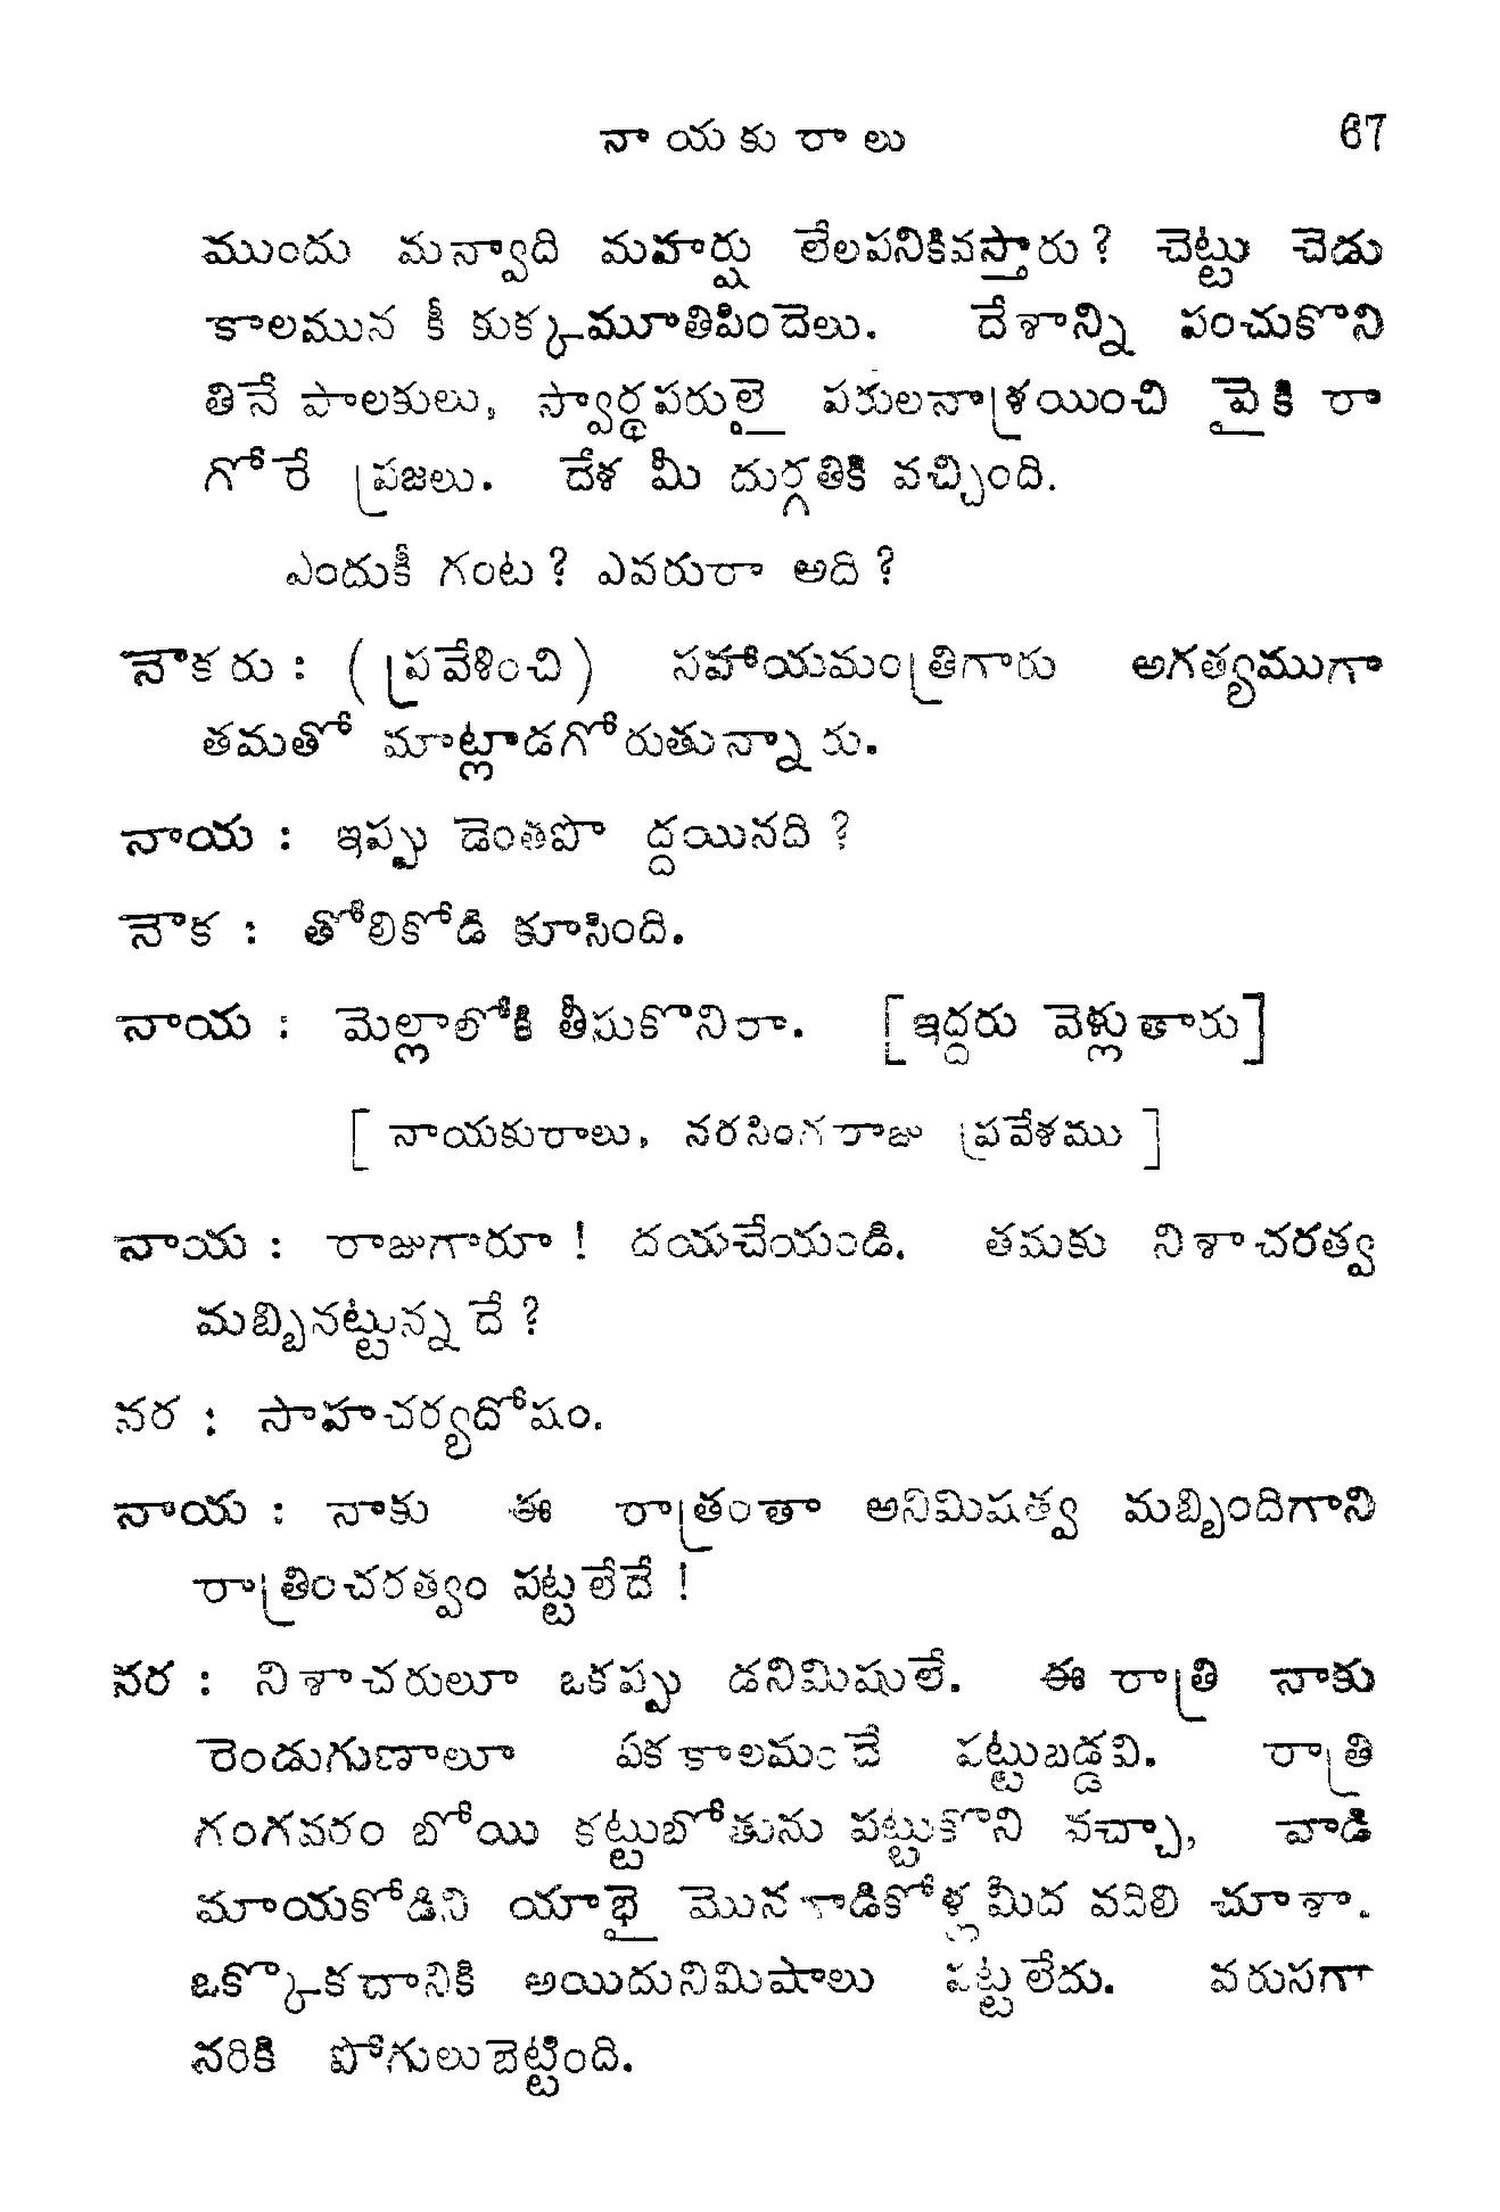ముందు మన్వాది మహర్షు లేలపనికివస్తారు ? చెట్టు చెడు కాలమున కీ కుక్కమూతిపిందెలు. దేశాన్ని పంచుకొని తినే పాలకులు, స్వార్థపరులై పరులనాశ్రయించి పైకి రా గోరే ప్రజలు. దేశ మీ దుర్గతికి వచ్చింది.

ఎందుకీ గంట? ఎవరురా అది ?

నౌకరు : ( ప్రవేశించి) సహాయమంత్రిగారు అగత్యముగా తమతో మాట్లాడగోరుతున్నా రు.

నాయ : ఇప్పు డెంతపొ ద్దయినది ?

నౌక : తోలికోడి కూసింది.

నాయ : మెల్లాలోకి తీసుకొనిరా. ( ఇద్దరు వెళ్లుతారు)

నాయ: రాజుగారూ ! దయచేయండి. తమకు నిశాచరత్వ మబ్బినట్టున్న దే?

నర : సాహచర్యదోషం.

నాయ : నాకు ఈ రాత్రంతా అనిమిషత్వ మబ్బిందిగాని రాత్రించరత్వం పట్టలేదే !

నర : నిశాచరులూ ఒకప్పు డనిమిషులే. ఈ రాత్రి నాకు రెండుగుణాలూ ఏకకాలమందే పట్టుబడ్డవి.
రాత్రి గంగవరం బోయి కట్టుబోతును పట్టుకొని వచ్చా. వాడి మాయకోడిని యాభై మొనగాడికోళ్ల మీద వదిలి చూశా. ఒక్కొకదానికి అయిదునిమిషాలు పెట్టలేదు. వరుసగా నరికి పోగులు బెట్టింది.